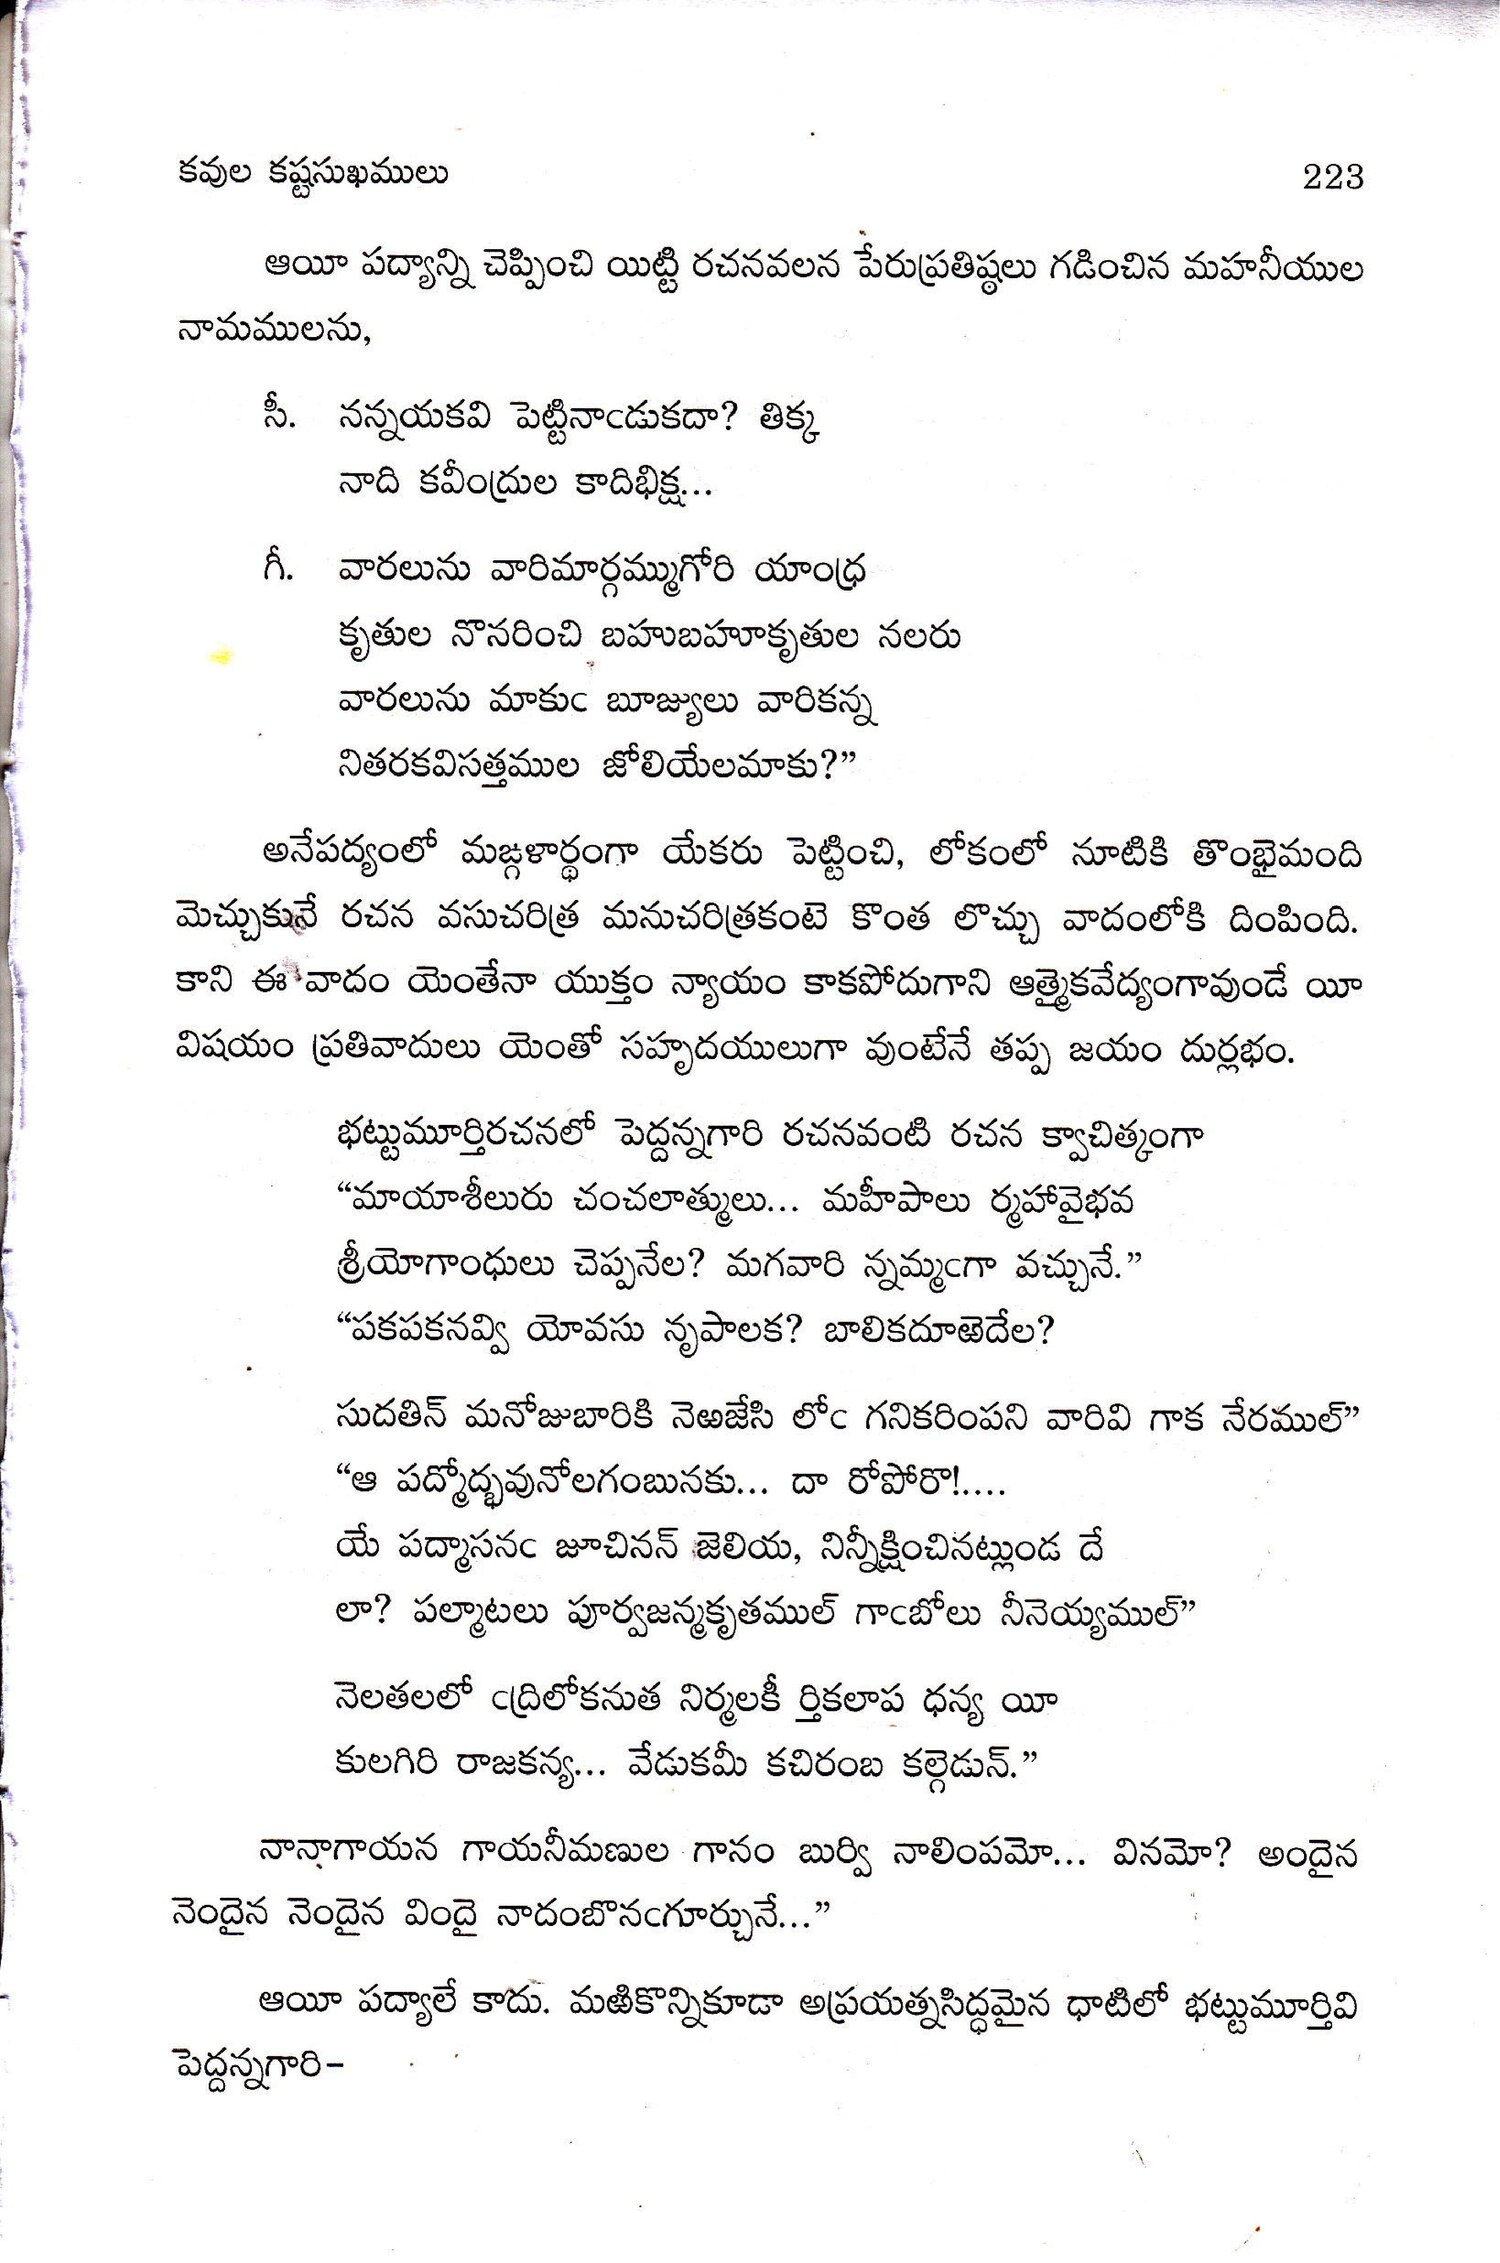ఆయీ పద్యాన్ని చెప్పించి యిట్టి రచనవలన పేరుప్రతిష్ఠలు గడించిన మహనీయుల నామములను,

సీ. నన్నయకవి పెట్టినాఁడుకదా? తిక్క
 నాది కవీంద్రుల కాదిభిక్ష.

గీ. వారలును వారిమార్గమ్ముగోరి యాంధ్ర
 కృతుల నొనరించి బహుబహూకృతుల నలరు
 వారలును మాకుఁ బూజ్యులు వారికన్న 
 నితరకవిసత్తముల జోలియేలమాకు?"
అనేపద్యంలో మజ్ఞళార్థంగా యేకరు పెట్టించి, లోకంలో నూటికి తొంభైమంది మెచ్చుకునే రచన వసుచరిత్ర మనుచరిత్రకంటె కొంత లొచ్చు వాదంలోకి దింపింది. కాని ఈ వాదం యెంతేనా యుక్తం న్యాయం కాకపోదుగాని ఆత్మైకవేద్యంగావుండే యీ విషయం ప్రతివాదులు యెంతో సహృదయులుగా వుంటేనే తప్ప జయం దుర్లభం.

భట్టుమూర్తిరచనలో పెద్దన్నగారి రచనవంటి రచన క్వాచిత్కింగా 
“మాయాశీలురు చంచలాత్ములు... మహీపాలు ర్మహావైభవ 
శ్రీయోగాంధులు చెప్పనేల? మగవారి న్నమ్మఁగా వచ్చునే." 
“పకపకనవ్వి యోవసు నృపాలక బాలికదూఱెదేల?

సుదతిన్ మనోజుబారికి నెఱజేసి లోఁ గనికరింపని వారివి గాక నేరముల్? 
“ఆ పద్మోద్భవునోలగంబునకు... దాం రోఫోరొ!. 
యే పద్మాసనఁ జూచినన్ జెలియ, నిన్నీక్షించినట్లుండ దే
లా? పల్మాటలు పూర్వజన్మకృతముల్ గాఁబోలు నీనెయ్యముల్

నెలతలలోఁ ద్రిలోకనుత నిర్మలకీ ర్తికలాప ధన్య యీ 
కులగిరి రాజకన్య. వేడుకమీ కచిరంబ కల్గెడున్."
నానాగాయన గాయనీమణుల గానం బుర్వి నాలింపమో... వినమో? అందైన నెందైన నెందైన విందై నాదంబొనఁగూర్చునే..." i

ఆయీ పద్యాలే కాదు. మఱికొన్నికూడా అప్రయత్నసిద్ధమైన ధాటిలో భట్టుమూర్తివి పెద్దన్నగారి- -